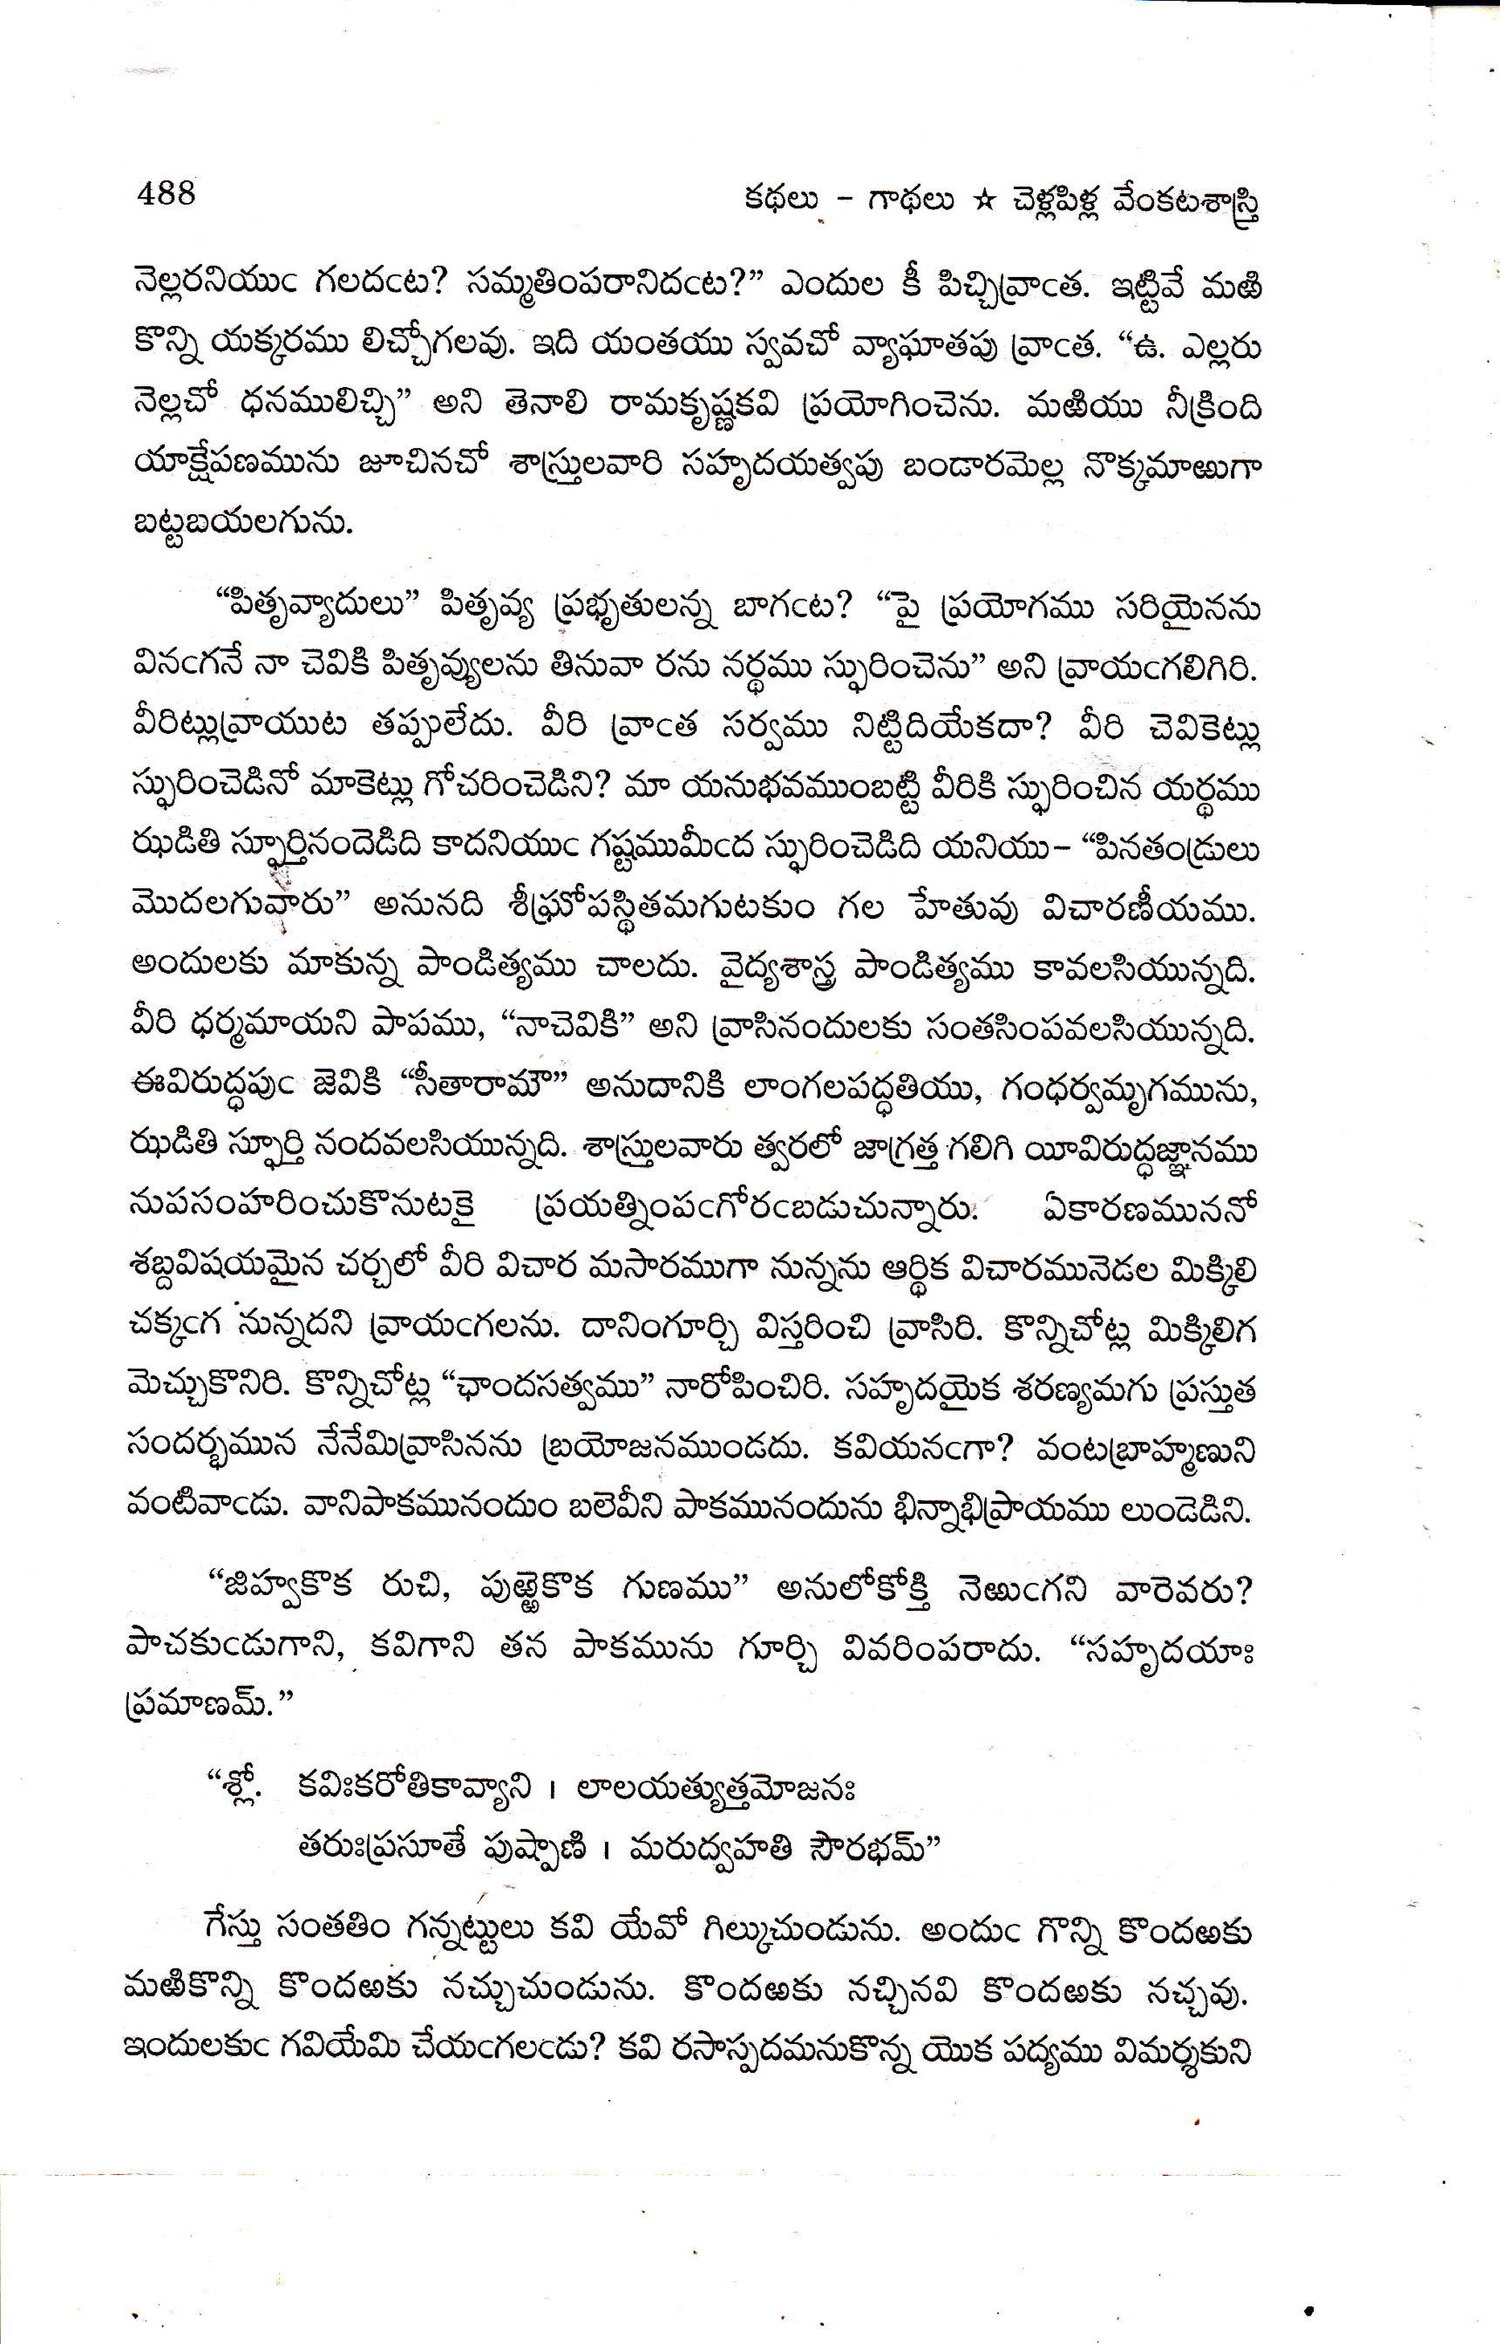నెల్లరనియుఁ గలదఁట? సమ్మతింపరానిదఁట?” ఎందుల కీ పిచ్చివ్రాఁత. ఇట్టివే మఱికొన్ని యక్కరము లిచ్చోగలవు. ఇది యంతయు స్వవచో వ్యాఘాతపు వ్రాఁత, “ఉ. ఎల్లరు నెల్లచో ధనములిచ్చి" అని తెనాలి రామకృష్ణకవి ప్రయోగించెను. మఱియు నీక్రింది యాక్షేపణమును జూచినచో శాస్త్రులవారి సహృదయత్వపు బండారమెల్ల నొక్కమాఱుగా బట్టబయలగును.

"పితృవ్యాదులు" పితృవ్య ప్రభృతులన్న బాగఁట? "పై ప్రయోగము సరియైనను వినఁగనే నా చెవికి పితృవ్యులను తినువా రను నర్థము స్ఫురించెను" అని వ్రాయఁగలిగిరి. వీరిట్లు వ్రాయుట తప్పులేదు. వీరి వ్రాఁత సర్వము నిట్టిదియేకదా? వీరి చెవికెట్లు స్ఫురించెడినో మాకెట్లు గోచరించెడిని? మా యనుభవముంబట్టి వీరికి స్ఫురించిన యర్ధము ఝడితి స్ఫూర్తినందెడిది కాదనియుఁ గష్టముమీఁద స్ఫురించెడిది యనియు- "పినతండ్రులు మొదలగువారు" అనునది శీఘ్రోపస్థితమగుటకుం గల హేతువు విచారణీయము. అందులకు మాకున్న పాండిత్యము చాలదు. వైద్యశాస్త్ర పాండిత్యము కావలసియున్నది. వీరి ధర్మమాయని పాపము, "నాచెవికి" అని వ్రాసినందులకు సంతసింపవలసియున్నది. ఈవిరుద్ధపుఁ జెవికి "సీతారామౌ" అనుదానికి లాంగలపద్ధతియు, గంధర్వమృగమును, ఝడితి స్ఫూర్తి నందవలసియున్నది. శాస్త్రులవారు త్వరలో జాగ్రత్త గలిగి యీవిరుద్ధజ్ఞానము నుపసంహరించుకొనుటకై ప్రయత్నింపఁగోరఁబడుచున్నారు. ఏకారణముననో శబ్దవిషయమైన చర్చలో వీరి విచార మసారముగా నున్నను ఆర్థిక విచారమునెడల మిక్కిలి చక్కఁగ నున్నదని వ్రాయఁగలను. దానింగూర్చి విస్తరించి వ్రాసిరి. కొన్నిచోట్ల మిక్కిలిగ మెచ్చుకొనిరి. కొన్నిచోట్ల “ఛాందసత్వము" నారోపించిరి. సహృదయైక శరణ్యమగు ప్రస్తుత సందర్భమున నేనేమివ్రాసినను బ్రయోజనముండదు. కవియనఁగా? వంట బ్రాహ్మణుని వంటివాఁడు. వానిపాకమునందుం బలెవీని పాకమునందును భిన్నాభిప్రాయము లుండెడిని.

"జిహ్వకొక రుచి, పుఱ్ఱెకొక గుణము" అనులోకోక్తి నెఱుఁగని వారెవరు? పాచకుఁడుగాని, కవిగాని తన పాకమును గూర్చి వివరింపరాదు. “సహృదయాః ప్రమాణమ్.”

“శ్లో. కవిఃకరోతికావ్యాని | లాలయత్యుత్తమోజనః
 తరుఃప్రసూతే పుష్పాణి I మరుద్వహతి సౌరభమ్" 
గేస్తు సంతతిం గన్నట్టులు కవి యేవో గిల్కుచుండును. అందుఁ గొన్ని కొందఱకు మఱికొన్ని కొందఱకు నచ్చుచుండును. కొందఱకు నచ్చినవి కొందఱకు నచ్చవు. ఇందులకుఁ గవియేమి చేయఁగలఁడు? కవి రసాస్పదమనుకొన్న యొక పద్యము విమర్శకుని